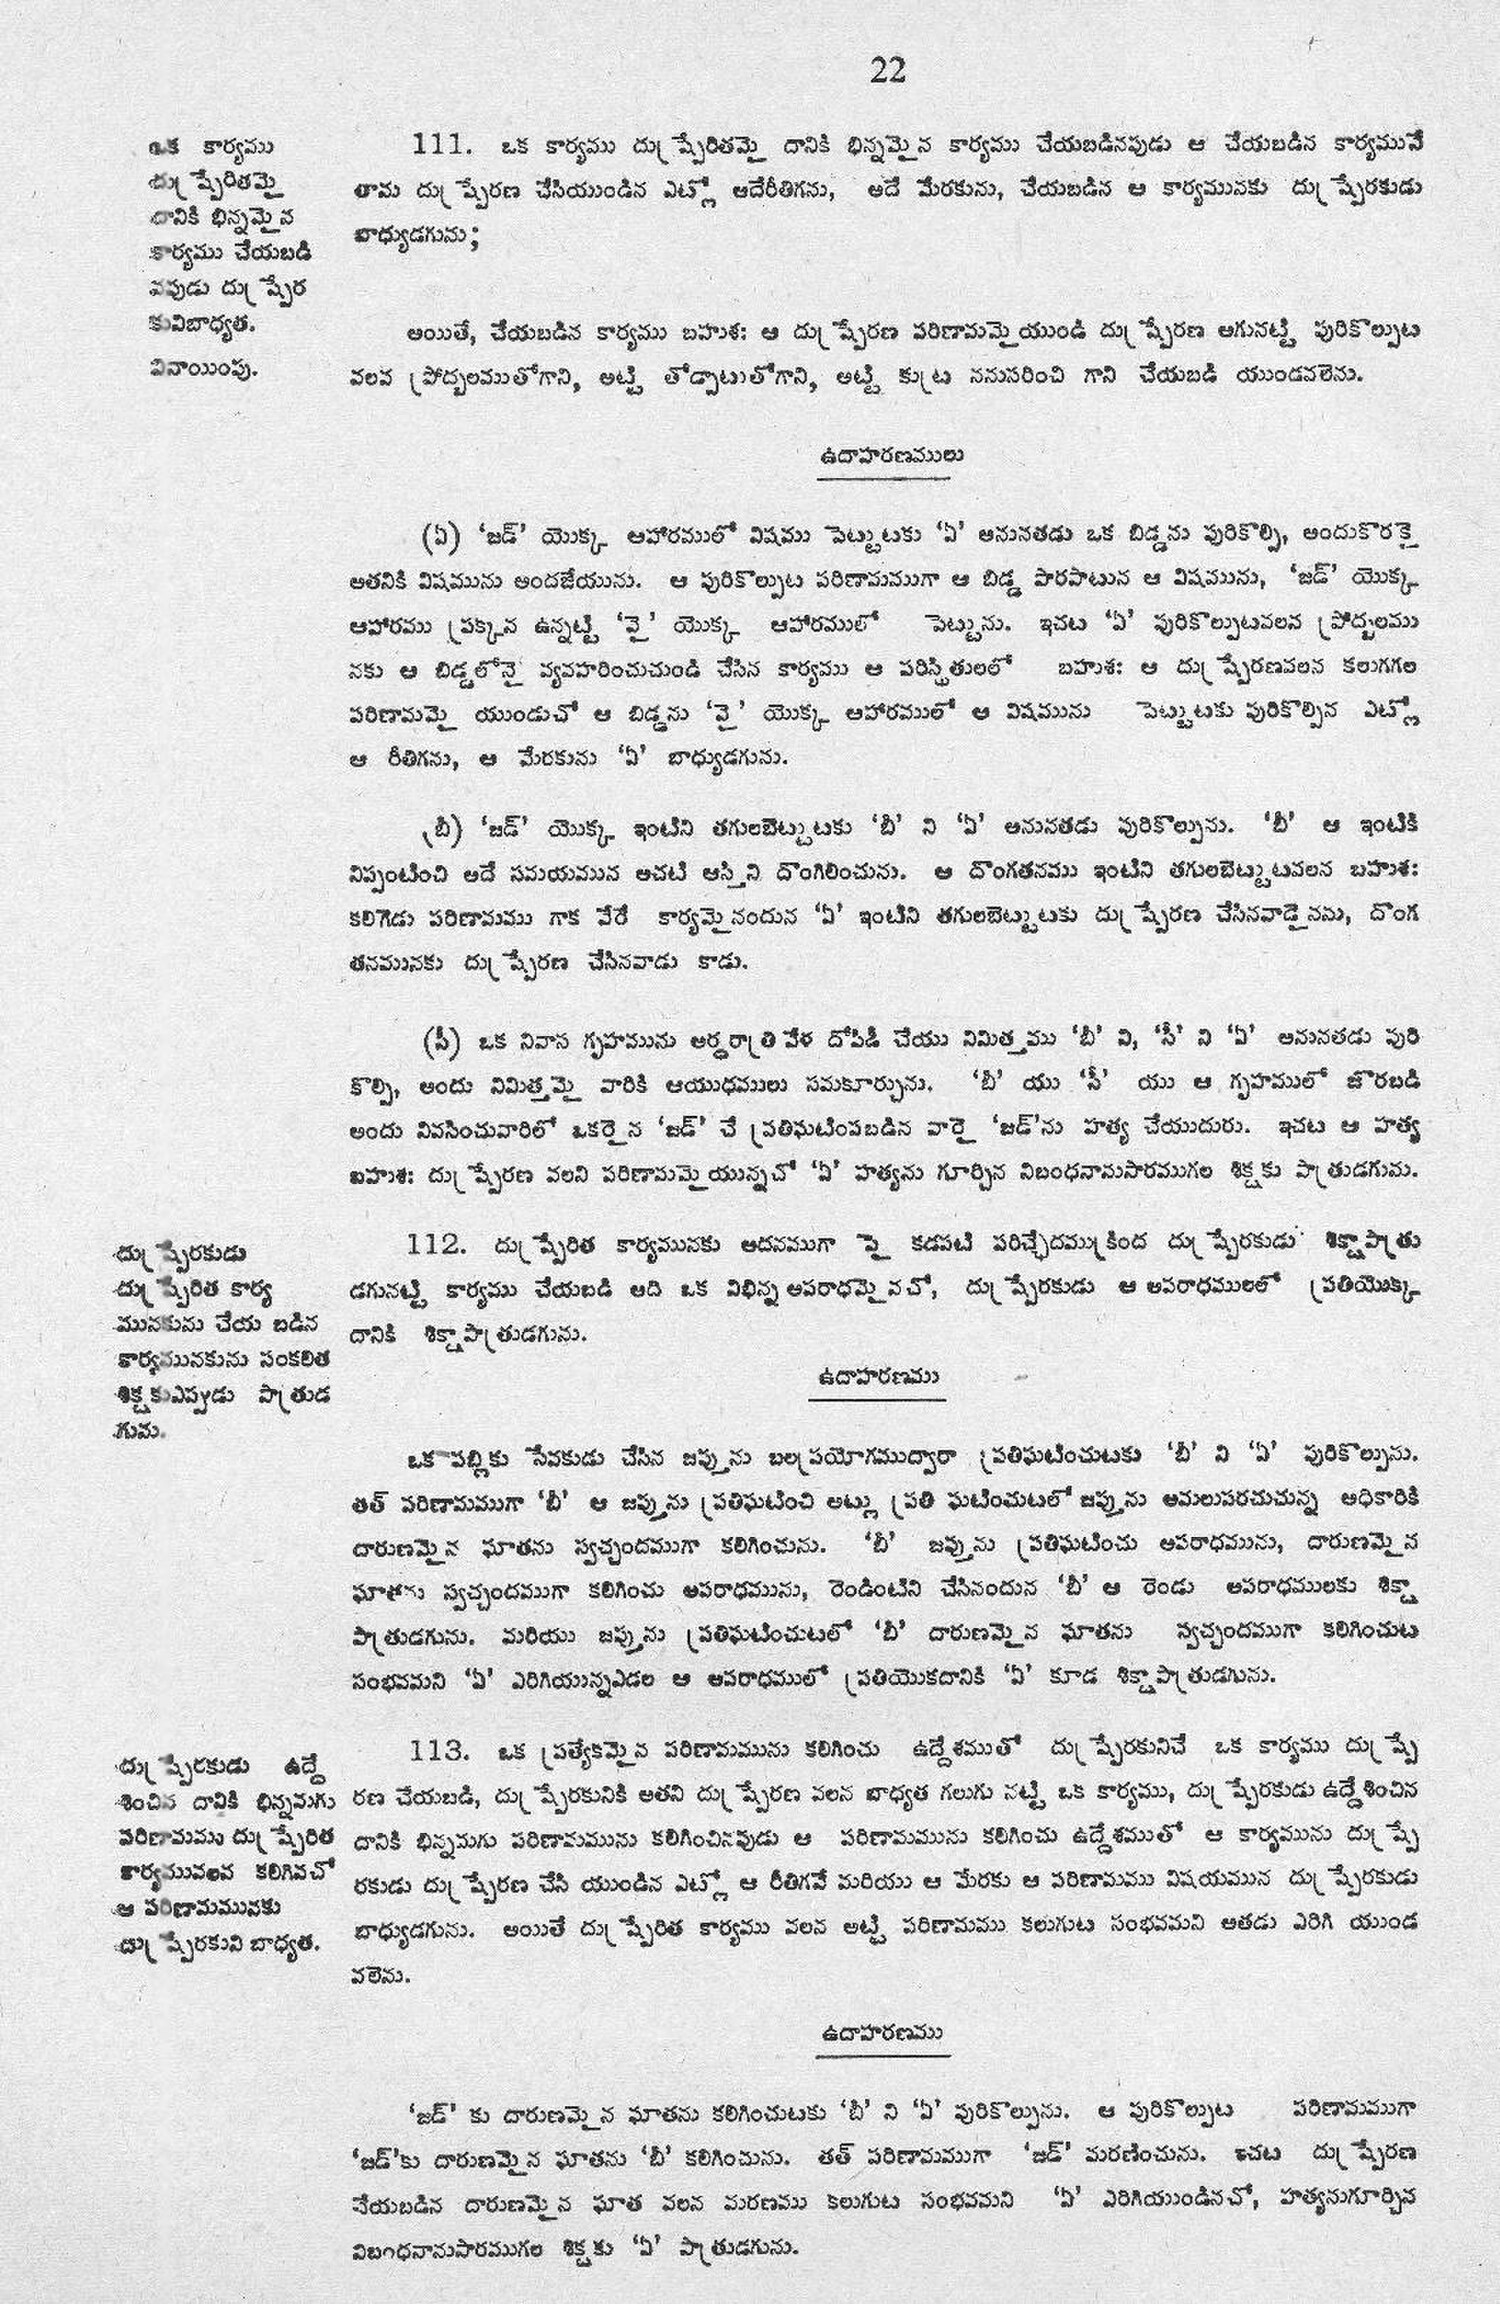ఒక కార్యము దుష్ప్రేరితమై దానికి భిన్నమైన కార్యము చేయబడినపుడు దుష్ప్రేరకుని బాధ్యత.వినాయింపు.

111. ఒక కార్యము దుష్ప్రేరితమై దానికి భిన్నమైన కార్యము చేయబడినపుడు ఆ చేయబడిన కార్యమునే తాను దుష్ప్రేరణ చేసియుండిన ఎట్లో అదేరీతిగను, అదే మేరకును, చేయబడిన ఆ కార్యమునకు దుష్ప్రేరకుడు
బాధ్యుడగును;

అయితే, చేయబడిన కార్యము బహుశః ఆ దుష్ప్రేరణ పరిణామమై యుండి దుష్ప్రేరణ అగునట్టి పురికొల్పుట
వలన ప్రోద్బలముతోగాని, అట్టి తోడ్పాటుతోగాని, అట్టి కుట్ర ననుసరించి గాని చేయబడి యుండవలెను.

(ఏ) 'జడ్' యొక్క ఆహారములో విషము పెట్టుటకు 'ఏ' అనునతడు ఒక బిడ్డను పురికొల్పి, అందుకొరకై అతనికి విషమును అందజేయును. ఆ పురికొల్పుట పరిణామముగా ఆ బిడ్డ పొరపాటున ఆ విషమును, 'జడ్' యొక్క
ఆహారము ప్రక్కన ఉన్నట్టి 'వై' యొక్క ఆహారములో పెట్టును. ఇచట 'ఏ' పురికొల్పుటవలన ప్రోద్బలమునకు ఆ బిడ్డ లోనై వ్యవహరించుచుండి చేసిన కార్యము ఆ పరిస్థితులలో బహుశః ఆ దుష్ప్రేరణవలన కలుగగల పరిణామమై యుండుచో ఆ బిడ్డను 'వై' యొక్క ఆహారములో ఆ విషమును పెట్టుటకు పురికొల్పిన ఎట్లో ఆ రీతిగను, ఆ మేరకును 'ఏ' బాధ్యుడగును.

బి) 'జడ్' యొక్క ఇంటిని తగులబెట్బటకు 'బి' ని 'ఏ' అనునతడు వురికొల్పును. 'బీ' ఆ ఇంటికి నిప్పంటించి అదే సమయమున అచటి ఆస్తిని దొంగిలించును. ఆ దొంగతనము ఇంటిని తగులబెట్టుటవలన బహుశ: కలిగెడు పరిణామము గాక వేరే కార్యమైనందున 'ఏ' ఇంటిని తగులబెట్టుటకు దుష్ప్రేరణ చేసినవాడైనను, దొంగతనమునకు దుష్ప్రేరణ చేసినవాడు కాడు.

(సీ) ఒక నివాస గృహమును అర్థరాత్రి వేళ దోపిడీ చేయు నిమిత్తము 'బి' ని, 'సీ' ని 'ఏ' అనునతడు పురికొల్పి, అందు నిమిత్తమై వారికి ఆయుధములు సమకూర్చును. 'బి' యు 'సీ' యు ఆ గృహములో జొరబడి అందు నివసించువారిలో ఒకరైన 'జడ్' చే ప్రతిఘటింపబడిన వారై 'జడ్'ను హత్య చేయుదురు. ఇచట ఆ హత్య బహుశ: దుష్ప్రేరణ వలని పరిణామమై యున్నచో 'ఏ' హత్యను గూర్చిన నిబంధనానుసారముగల శిక్షకు పాత్రుడగును.

దుష్ప్రేరకుడు దుష్ప్రేరిత కార్యమునకుమ చేయబడిన కార్యమునకును సంకలిత శిక్షకు ఎప్పుడు పాత్రుడగును.

112. దుష్ప్రేరిత కార్యమునకు అదనముగా పై కడపటి పరిచ్ఛేదము క్రింద దుష్ప్రేరకుడు శిక్షాపాత్రుడగునట్టి కార్యము చేయబడి అది ఒక విభిన్న అపరాధమైనచో, దుష్ప్రేరకుడు ఆ అపరాధములలో ప్రతియొక్క దానికి శిక్షాపాత్రుడగును.

ఒక పబ్లికు సేవకుడు చేసిన జప్తును బల ప్రయోగము ద్వారా ప్రతిఘటించుటకు 'బీ' ని 'ఏ' పురికొల్పును. తత్ పరిణామముగా 'బీ' ఆ జప్తును ప్రతిఘటించి అట్లు ప్రతి ఘటించుటలో జప్తును అమలుపరచుచున్న అధికారికి
దారుణమైన ఘాతను స్వచ్ఛందముగా కలిగించును. 'బీ' జప్తును ప్రతిఘటించు అపరాధమును, దారుణమైన ఘాతను స్వచ్చందముగా కలిగించు అపరాధమును, రెండింటిని చేసినందున 'బీ' ఆ రెండు అపరాధములకు శిక్షా
పాత్రుడగును. మరియు జప్తును ప్రతిఘటించుటలో 'బీ' దారుణమైన ఘాతను స్వచ్చందముగా కలిగించుట
సంభవమని 'ఏ' ఎరిగియున్నఎడల ఆ అపరాధములో ప్రతియొకదానికి 'ఏ' కూడ శిక్షా పాత్రుడగును.

దుష్ప్రేరకుడు ఉద్దేశించిన దానికి భిన్నమగు పరిణామము దుష్ప్రేరిత కార్యమువలన కలిగినచో ఆ పరిణామమునకు దుష్ప్రేరకుని బాధ్యత.
 
113. ఒక ప్రత్యేకమైన పరిణామమును కలిగించు ఉద్దేశముతో దుష్ప్రేరకునిచే ఒక కార్యము దుష్ప్రేరణ చేయబడి, 
దుష్ప్రేరకునికి అతని దుష్ప్రేరణ వలన బాధ్యత గలుగు నట్టి ఒక కార్యము, దుఁష్ప్రేరకుడు ఉద్దేశించిన దానికి భిన్నమగు పరిణామమును కలిగించినపుడు ఆ పరిణామమును కలిగించు ఉద్దేశముతో ఆ కార్యమును దుష్ప్రేరకుడు దుష్ప్రేరణ చేసి యుండిన ఎట్లో ఆ రీతిగనే మరియు ఆ మేరకు ఆ పరిణామము విషయమున దుష్ప్రేరకుడు
బాధ్యుడగును. అయితే దుష్ప్రేరిత కార్యము వలన అట్టి పరిణామము కలుగుట సంభవమని అతడు ఎరిగి యుండ
వలెను.

'జడ్' కు దారుణమైన ఘాతను కలిగించుటకు 'బీ' ని 'ఏ' పురికొల్పును. ఆ పురికొల్పుట పరిణామముగా 'జడ్'కు దారుణమైన ఘాతను 'బీ' కలిగించును. తత్ పరిణామముగా 'జడ్' మరణించును. అచట దుష్ప్రేరణ చేయబడిన దారుణమైన ఘాత వలన మరణము కలుగుట సంభవమని 'ఏ' ఎరిగియుండినచో, హత్యను గూర్చిన నిబంధనాను సారముగల శిక్షకు 'ఏ' పాత్రుడగును.